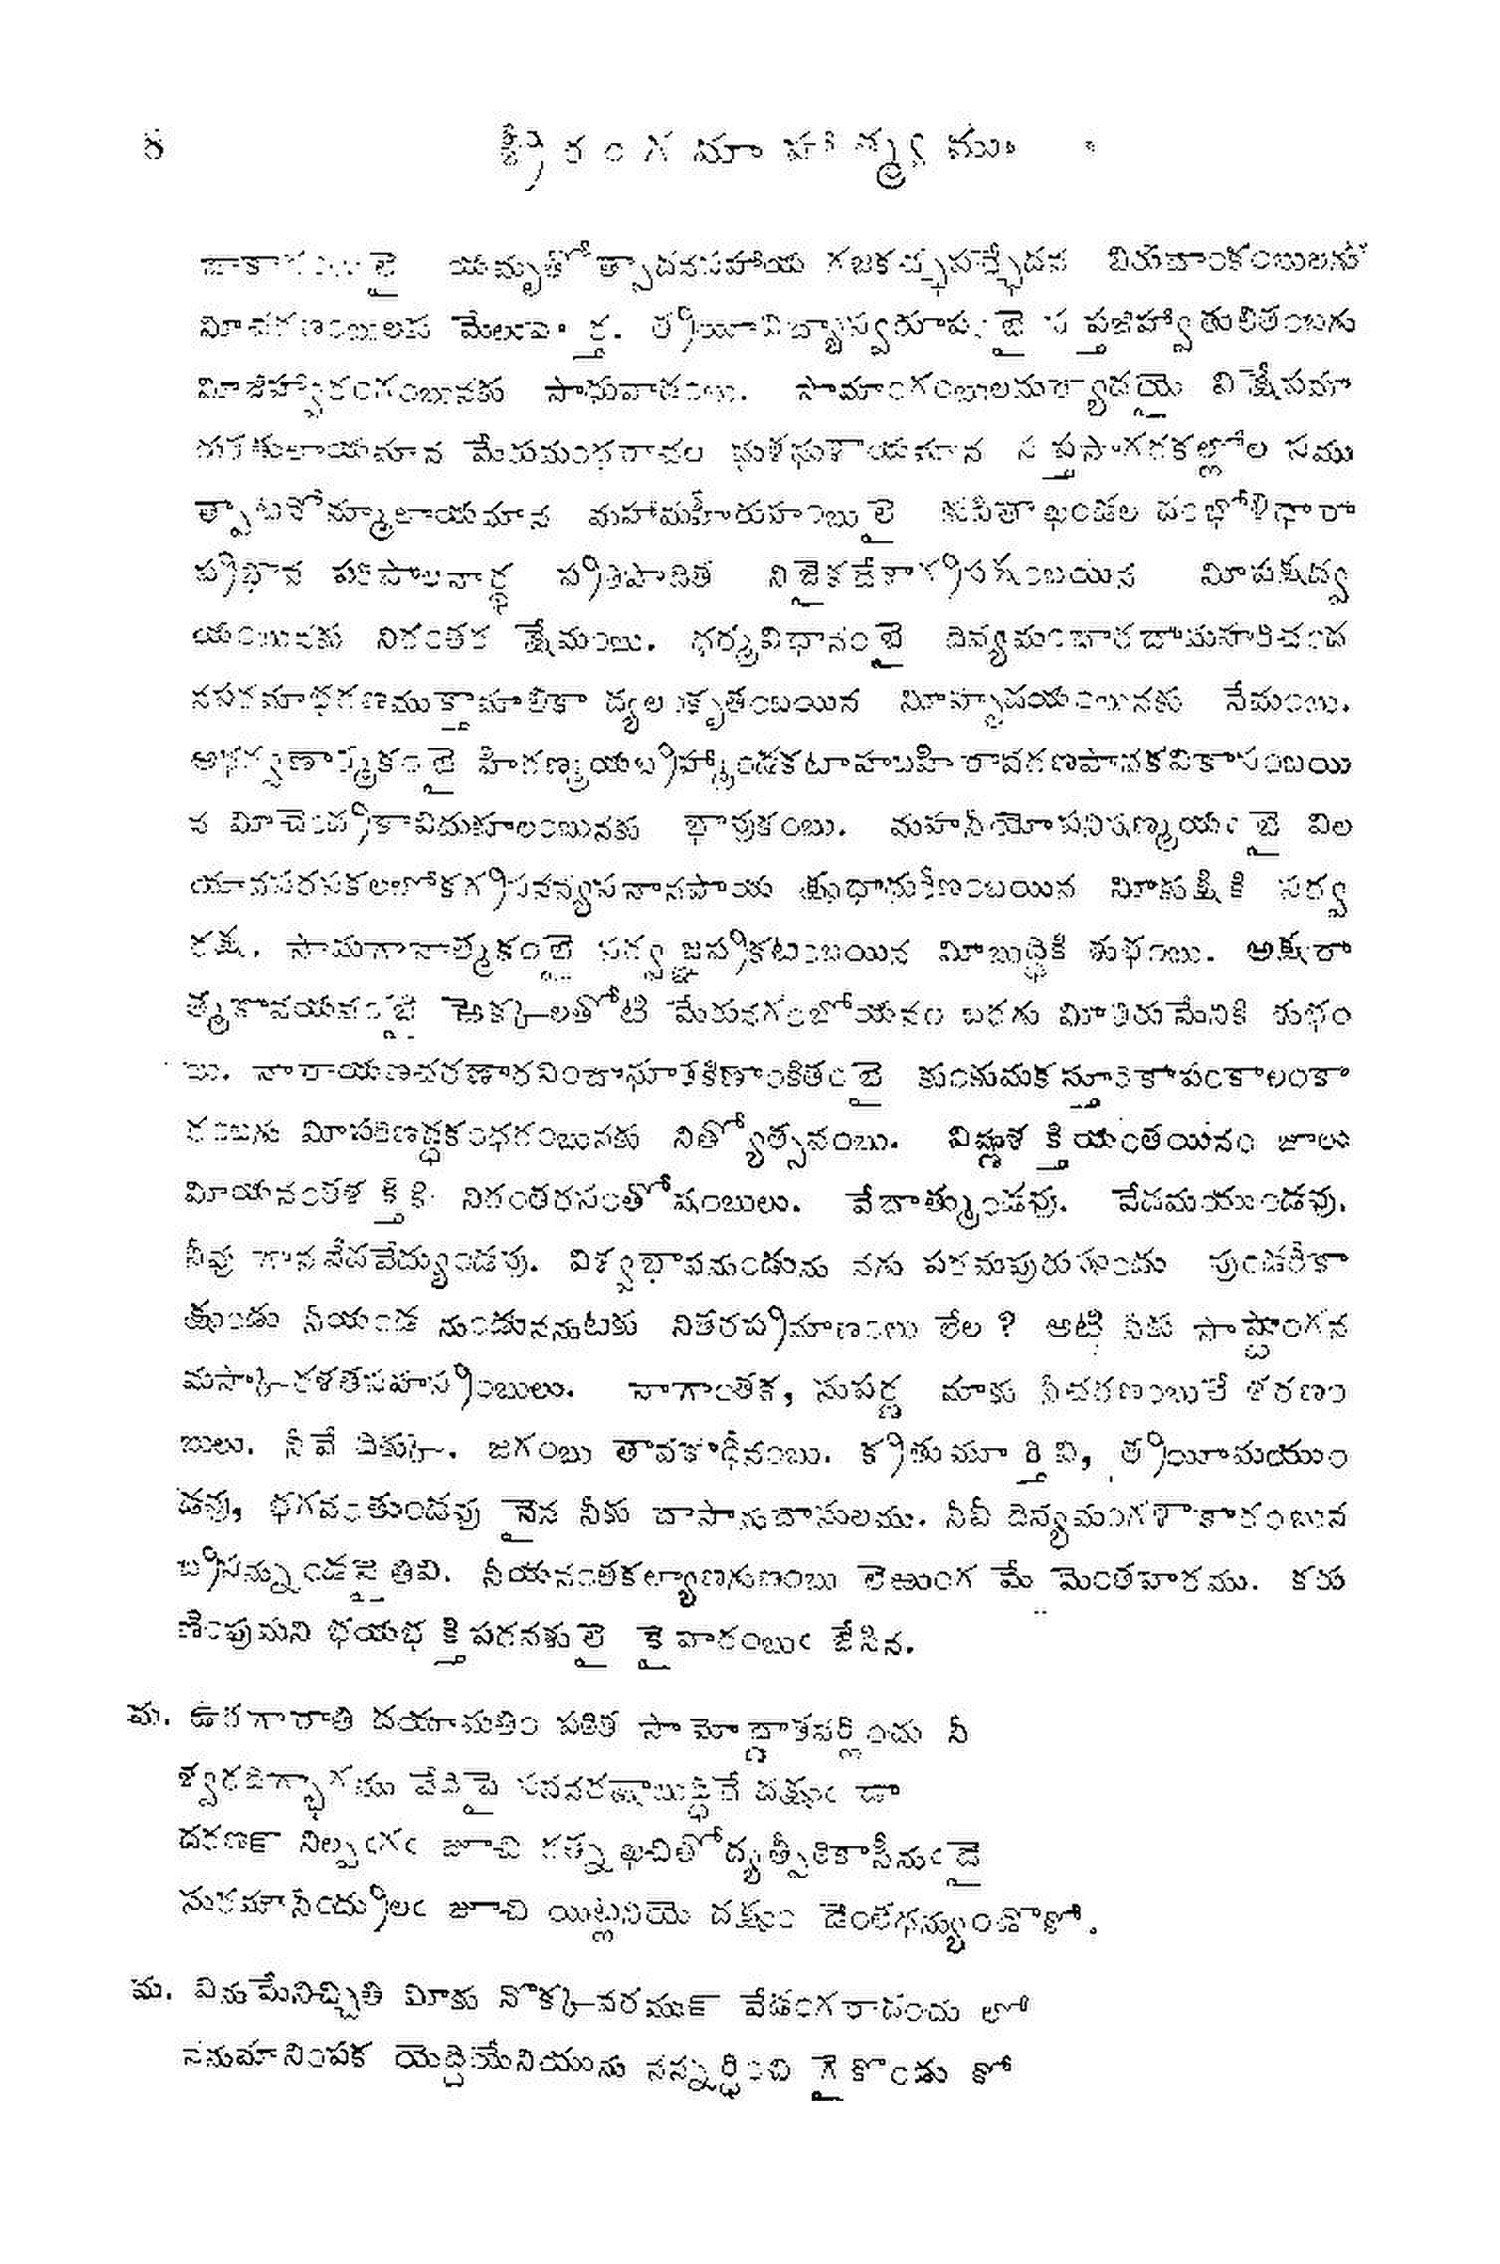దాకారములై యమృతోత్సాదనసహాయ గజకచ్ఛపచ్ఛేదన బిరుదాంకంబులగు
 మీచరణంబులకు మేలువార్త. త్రయీవిద్యాస్వరూపంబైన సప్తజిహ్వాతులితంబగు
 మీజిహ్వారంగంబునకు సాధువాదంబు. సామాంగంబులమర్యాదయై విక్షేపమా
 దురతులాయమాన మేరుమంధరాచల ఘళఘళాయమాన సప్తసాగరకల్లోల సము
 త్పాటకోన్మూలాయమాన మహామహీరుహంబులై కుపితాఖండల దంభోళిధారా
 ప్రధాన పరిపాలనార్థ ప్రతిపాదిత నిజైకదేశాగ్రపక్షంబయిన మీపక్షద్వ
 యంబునకు నిరంతర క్షేమంబు. ధర్మవిధానంబై దివ్యమందారదామహరిచంద
 నపరమాభరణ ముక్తామాలికాద్యలంకృతంబయిన మీహృదయంబునకు నేమంబు.
 అథర్వణాత్మకంబై హిరణ్యబ్రహ్మాండకటాహబహిరావరణపావకవికాసంబయి
 న మీచెంద్రకావిదుకూలంబునకు భావుకంబు. మహనీయోపనిషణ్మయంబై విల
 యావసరసకలతోకగ్రసనన్యసనానపాయ క్షుధాధురీణంబయిన మీకుక్షికి సర్వ
 రక్ష. సామగానాత్మకంబై సర్వజ్ఞప్రకటంబయిన మీబుద్ధికి శుభంబు. అక్షరా
 త్మకావయవంబై ఱెక్కలతోటి మేరునగంబోయనం బరగు మీతిరుమేనికి శుభం
 బు. నారాయణశరణారవిందాఘాతకిణాంకితంబై కుంకుమకస్తూరికాపంకాలంకా
 రంబగు మీపరిణద్ధకంధరంబునకు నిత్యోత్సవంబు. విష్ణుశక్తియంతయినం జాలు
 మీయనంతశక్తి కి నిరంతరసంతోషంబులు. వేదాత్ముండవు. వేదమయుండవు.
 నీవు గానవేదవేద్యుండవు. విశ్వభావనుండును నగు పరమపురుషుండు పుండరీకా
 క్షుండు నీయండ నుండుననుటకు నితరప్రమాణంబు లేల? అట్టి నీకు సాష్టాంగన
 మస్కారశతసహస్రంబులు. నాగాంతక, సుపర్ణ మాకు నీచరణంబులే శరణం
 బులు. నీవే దిక్కు. జగంబు తావకాధీనంబు. క్రతుమూర్తివి. త్రయీమయుం
 డవు. భగవంతుండవు నైన నీకు దాసానుదాసులము. నీవీ దివ్యమంగళాకారంబున
 బ్రసన్నుండవైతివి. నీయనంతకల్యాణగుణంబు లెఱుంగ మే మెంతవారము. కరు
 ణింపుమని భయభక్తిపరవశులై కైవారంబుఁ జేసిన.
మ. ఉరగారాతి దయామతిం పఠిత సామోద్గాకవర్లించు నీ
 శ్వరదిగ్భాగము వేదిపై సననరక్షాబుద్ధిచే దక్షుఁ డా
 దరణన్ నిల్పఁగఁ జూచి రత్నఖచితోద్యత్పీఠికాసీనుఁడై
 సురమౌనీంద్రులఁ జూచి యిట్లనియె దక్షుం డెంతధన్యుండొకో.
మ. విను మేనిచ్చితి మీకు నొక్కవరమున్ వేడంగరాదంచు లో
 ననుమానింపక యెద్దియేనియును నన్నర్థించి గైకొండు కో